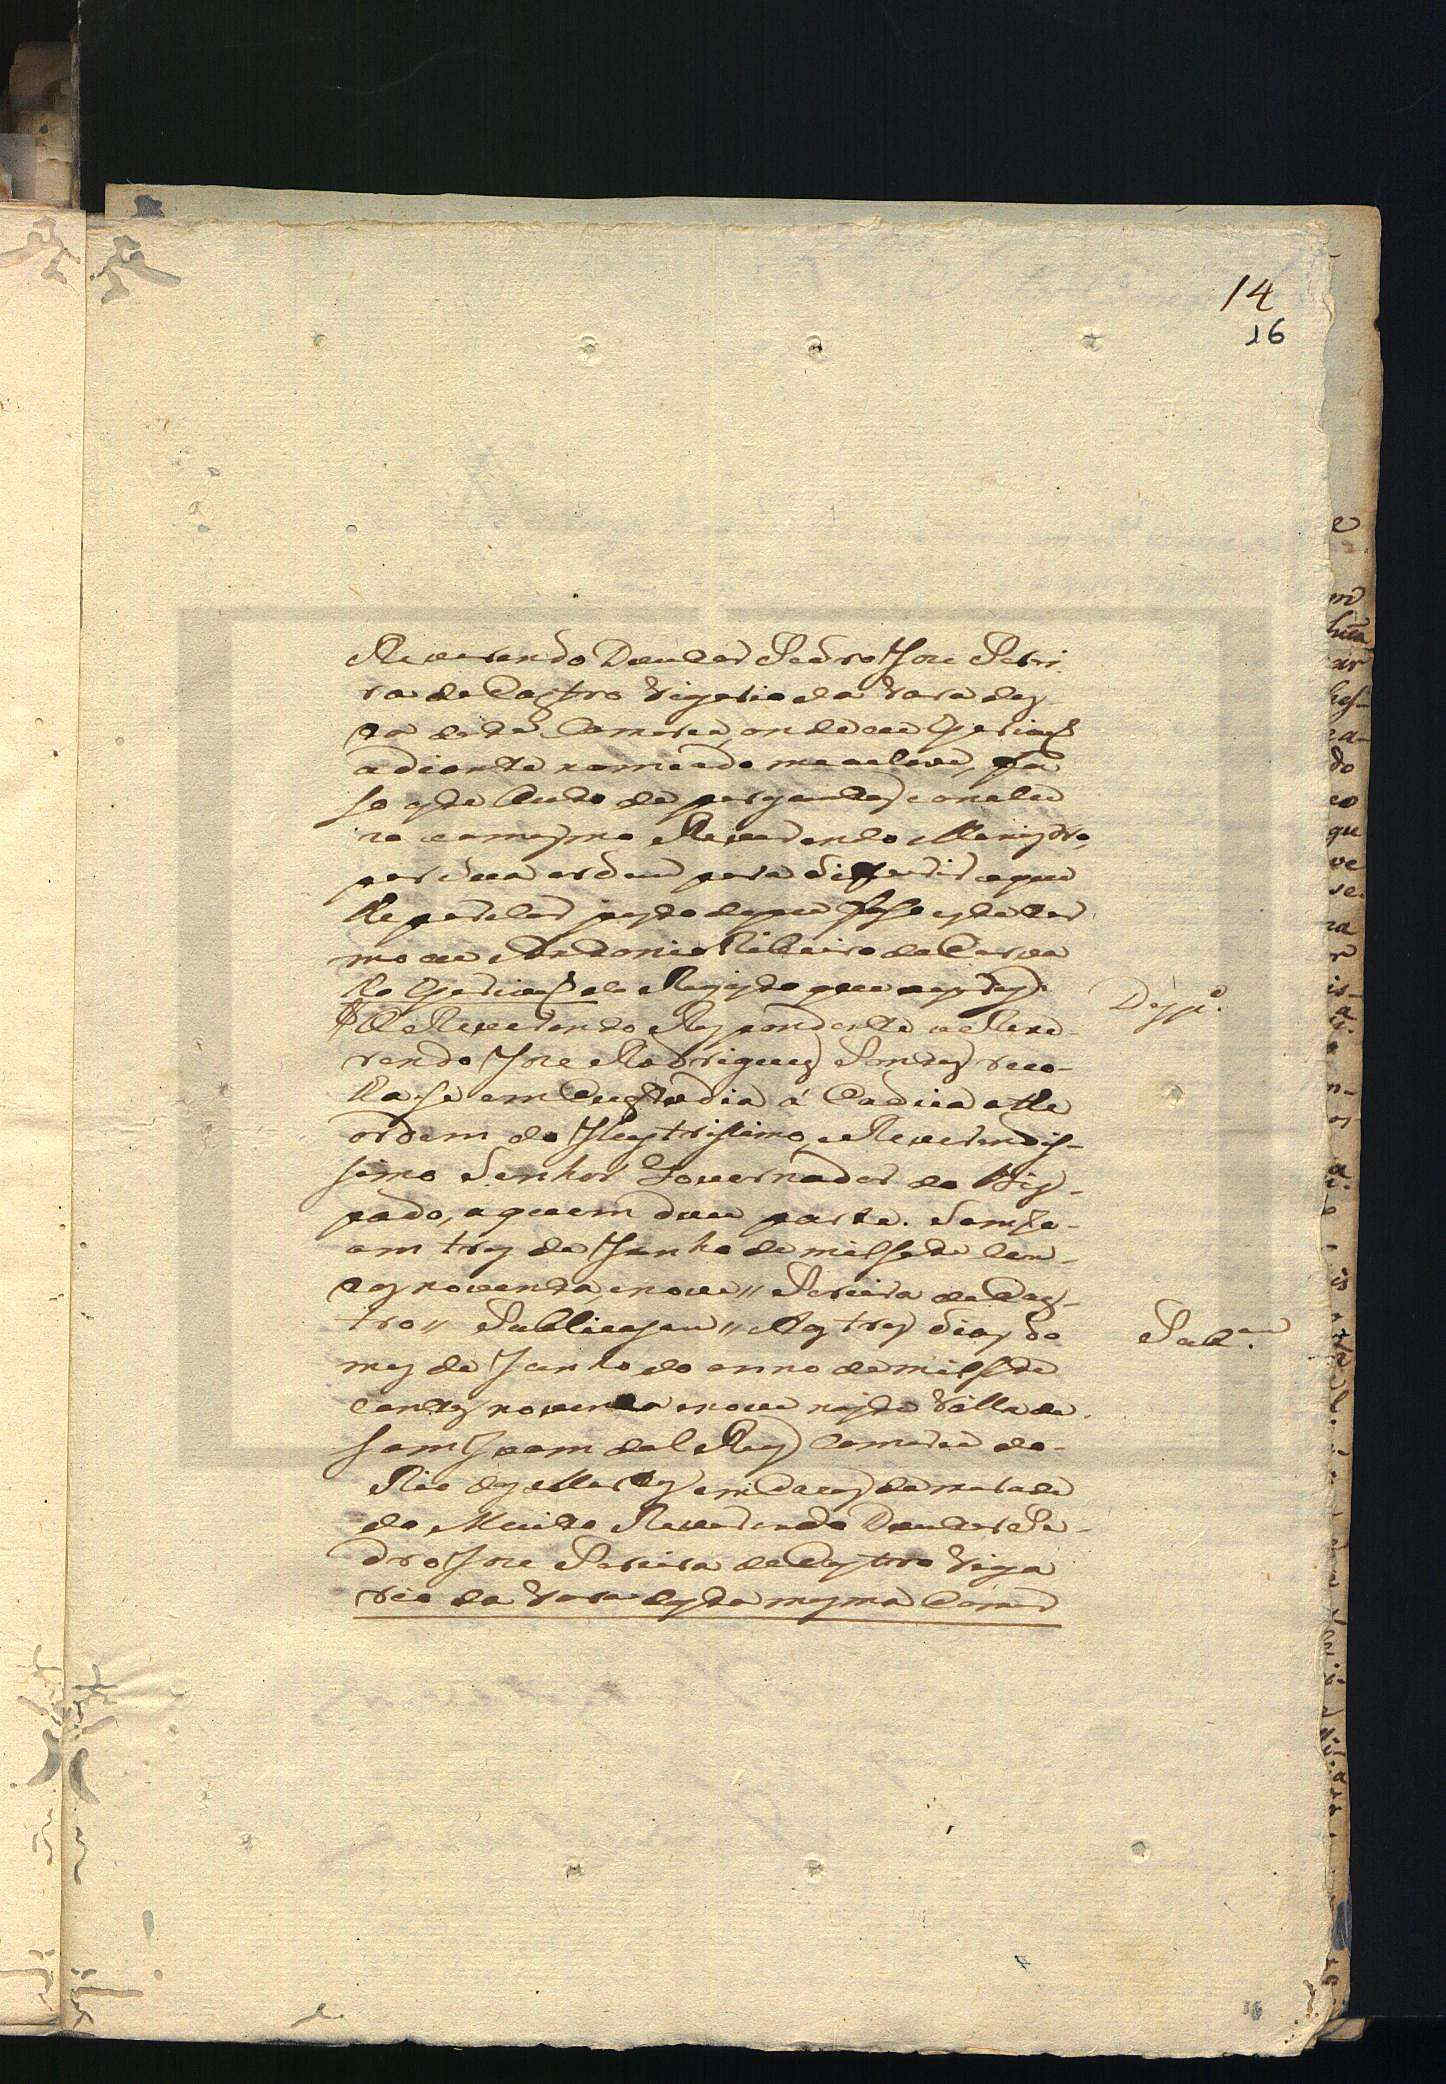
Reverendo Doutor Pedro Joze Perei
ra de Castro Vigario da Vara des
ta dita Comarca, onde eu o escrivaꝭ
a diante nomeado me achava, sen
do este auto de perguntas e ___
zo e o mesmo Reverendo Menistro,
por sua ordem para diferir o que
lhe perecer posto deposese este ter
mo ou Antonio Ribeiro de Carva
lho o escrivaꝭ de Registo que
de Reverendo Respondente o Reve
rendo Joze Rodrigues Santos reco
lhase em o cesto dia á Cadeia athe
ordem do Jlustrissimo, e Reverendis
simo senhor Gouernador do Bis
pado, a quem dou[?] parte. Sam Jo
am tres de Junho de mil setecen
tos noventa, e nove// Pereira de Cas
tro// Publicasam// Aos tres dias do
mes de Junho do anno de mil sete
centos noventa e nove nesta Villa de
Sam Joam del Rey comarca do
Rio as Mortes em cazas da morada
do Muito Reverendo Doutor Pa
dro Joze Pereira de Castro Viga
rio da Vara desta mesma Comar
14
16
Desp.o
Pub.am
